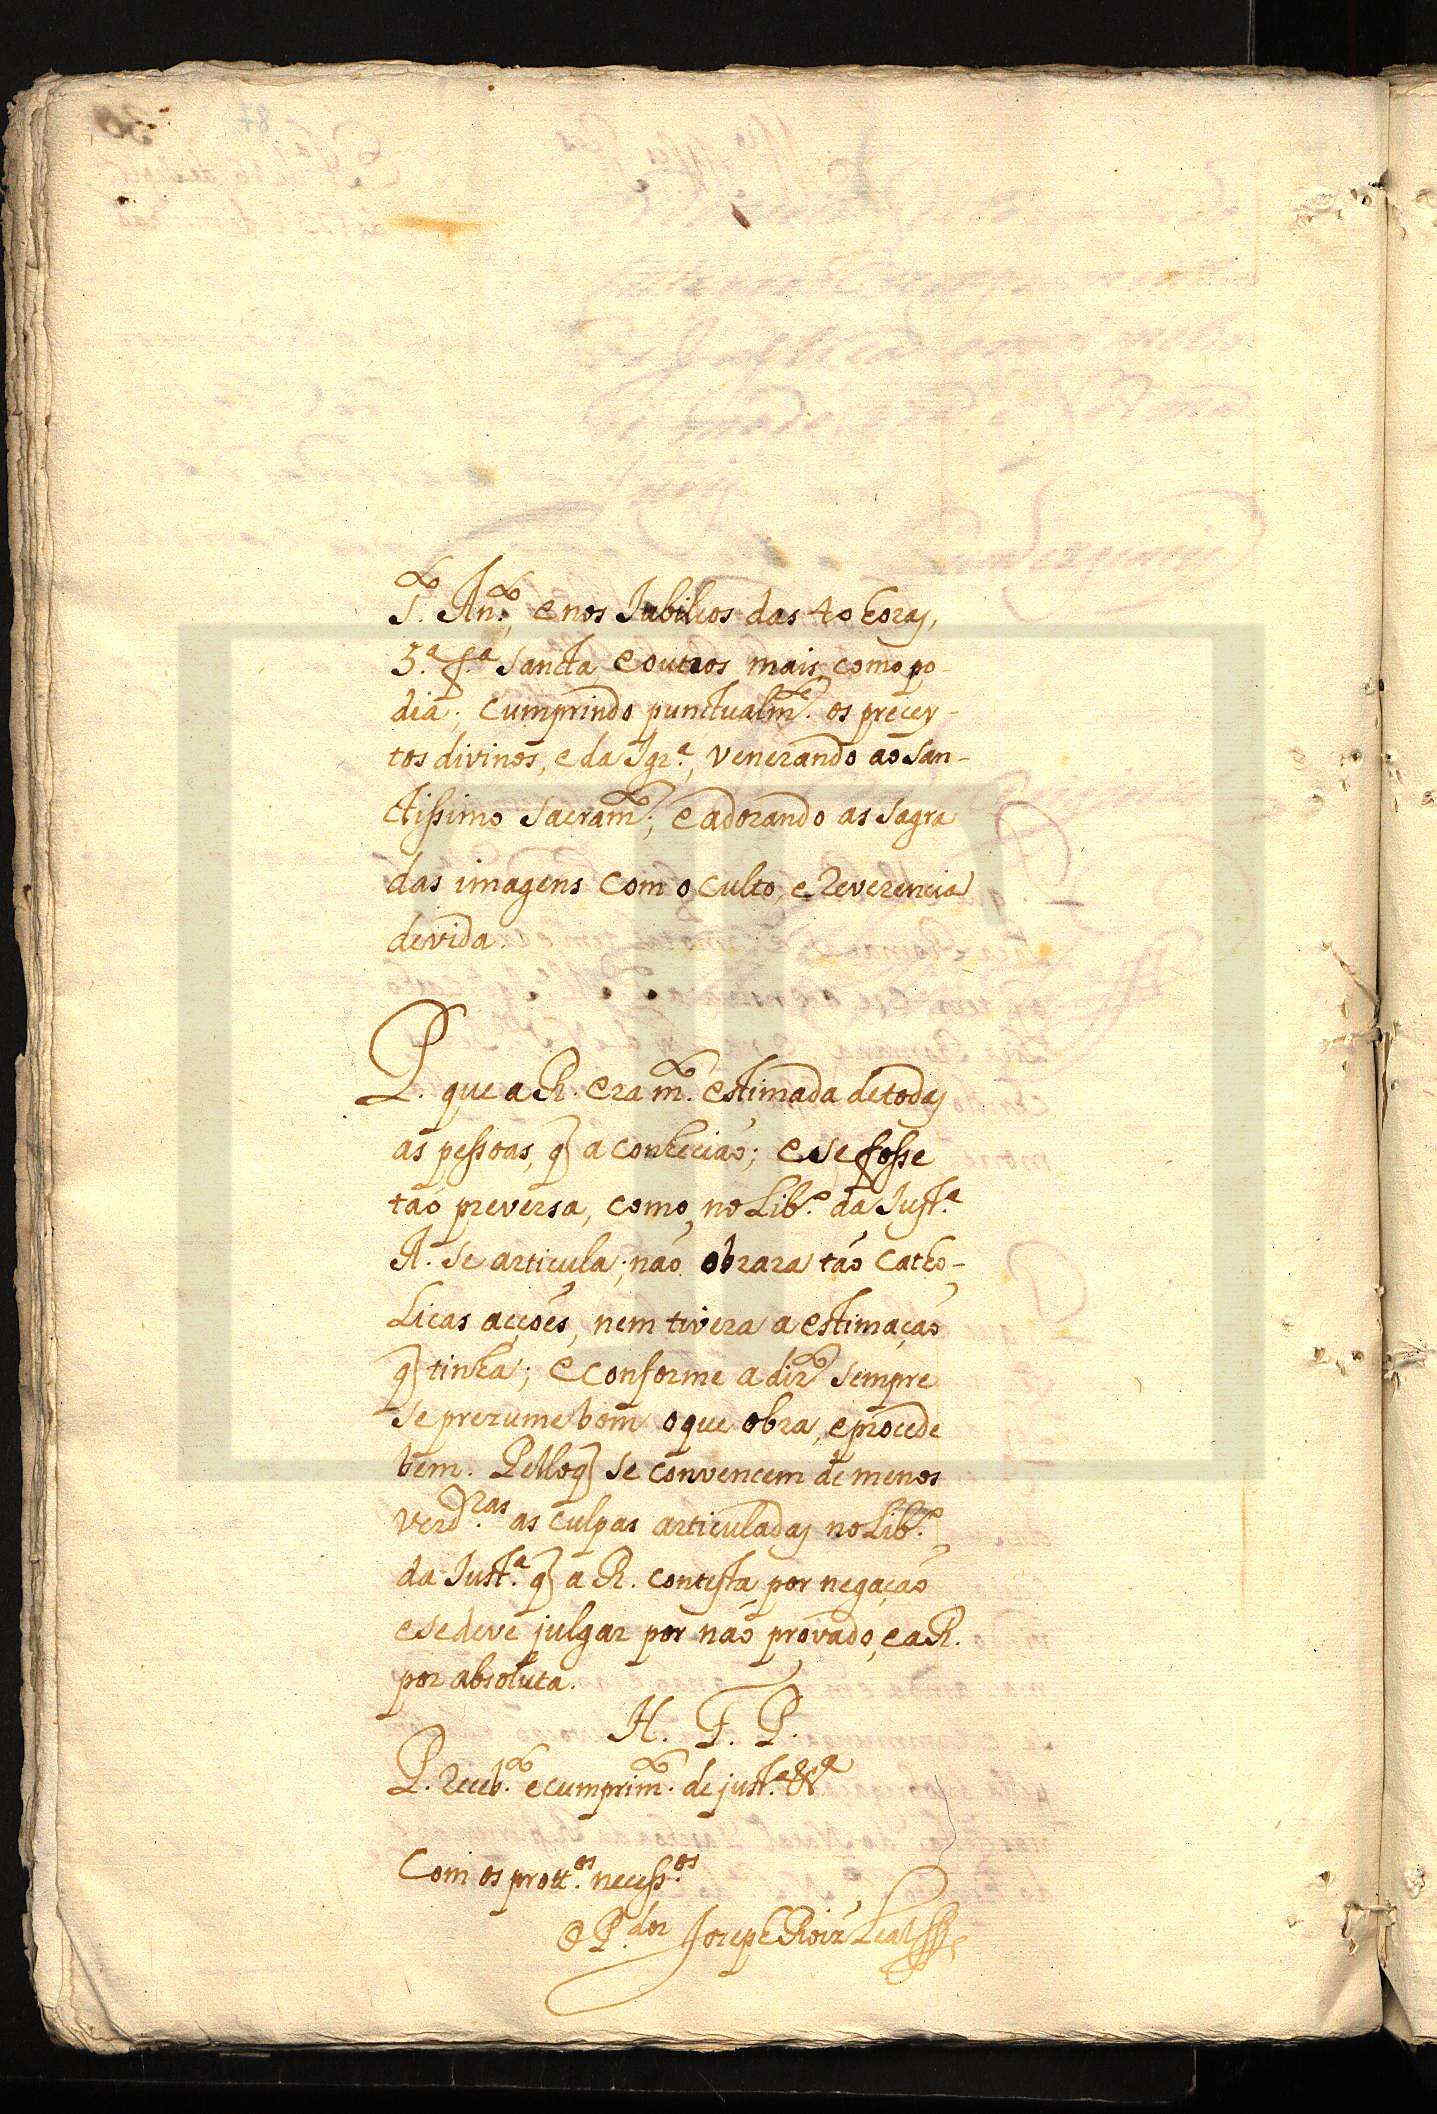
s.to An.to, e nos Iubileos das 40 horas,
5.a f.a sancta, e outras mais como po
dia; cumprindo punctualm.te os precey
tos divinos, e da Igr.a, venerando ao san
ctissimo sacram.to e adorando as sagra
das imagens com o culto, e Reverencia
devida.
P. que a R. era m.to estimada de todas
as pessoas, q̄ a conheciaõ; e se fosse
taõ preversa, como no Lib.o da Iust.a
A. se articula; naõ obrara tão catho
Licas acções, nem tivera a estimaçaõ
q̄ tinha; e conforme a dir.to sempre
se prezume bom o que obra, e procede
bem. Pello q̄ se convencem de menos
verd.ras as culpas articuladas no Lib.o
da Iust.a q̄ a R. contesta, por negaçaõ
e se deve julgar por naõ provado, e a R.
por absoluta
H. F. P.
P. Receb.to e cumprim.to de just.a &a
Com os prott.os necess.os
o P.dor Jozeph Roiz̄ Leal
